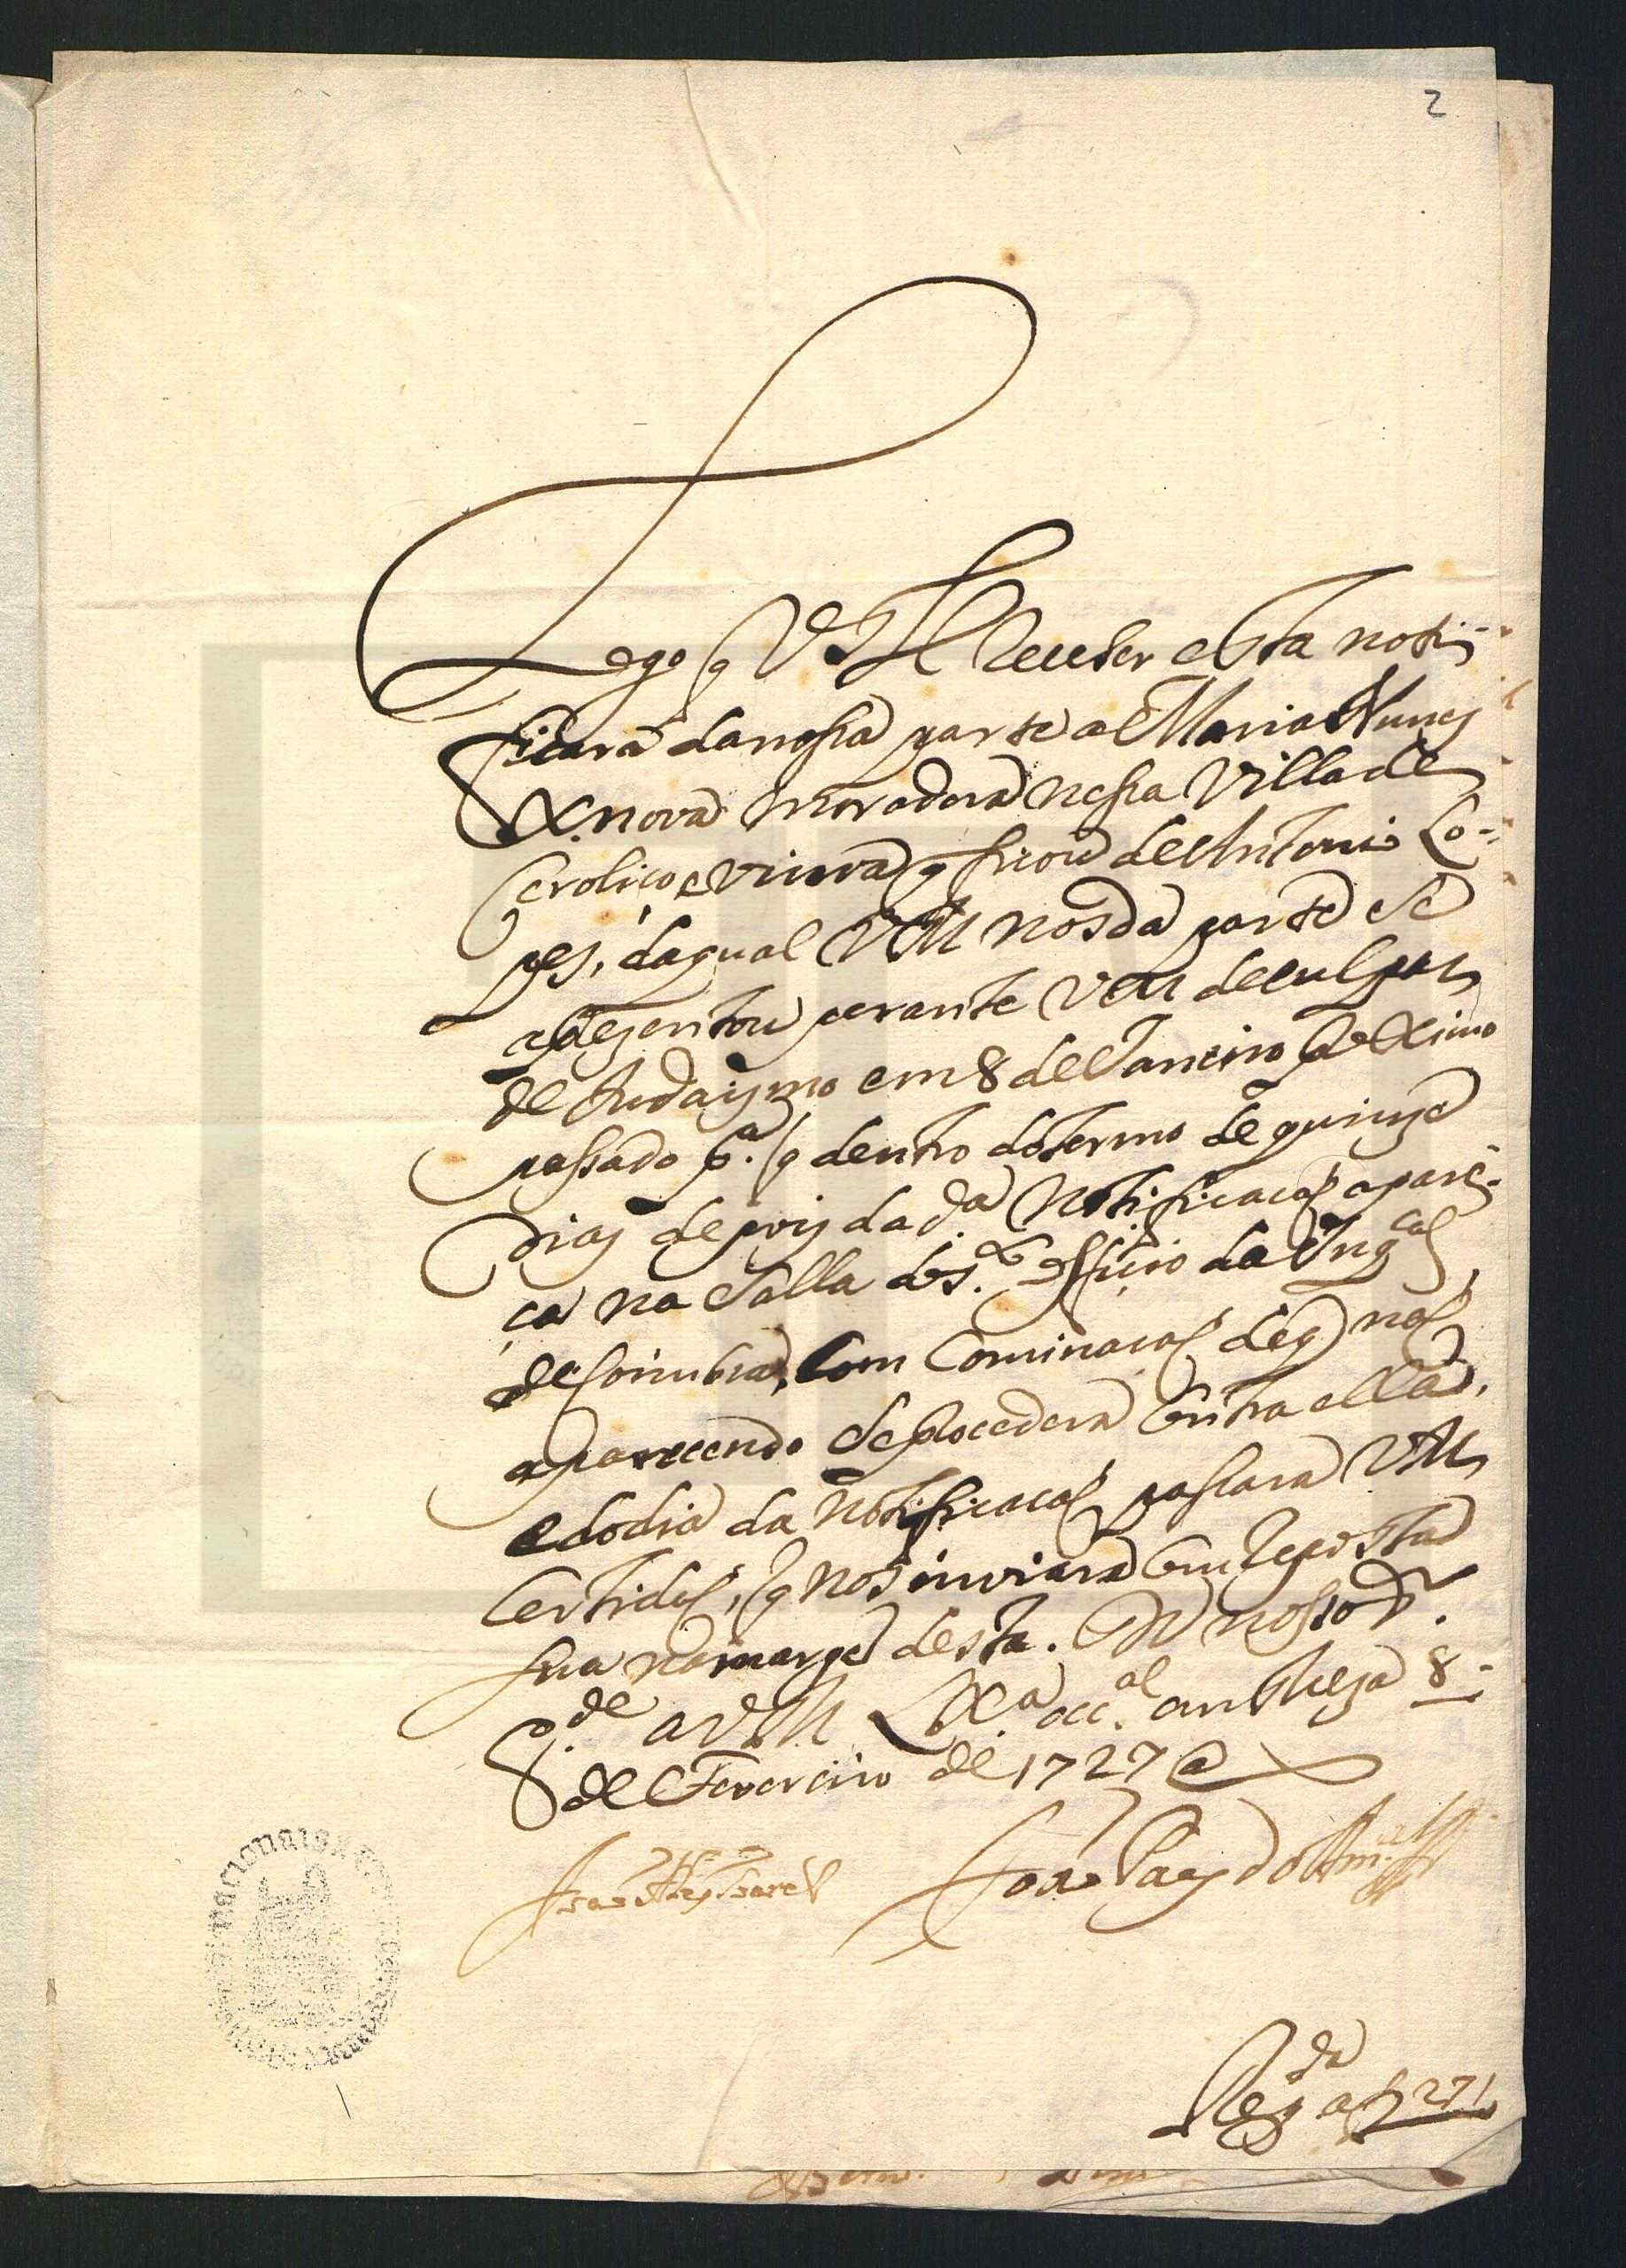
Logo q̄ V s Il Receber esta noti
ficara da nossa parte a Maria Nunes
x. nova moradora nessa Villa de
Cerolico, e viuva q̄ ficou de Antonio Lo
pes, da qual V M nos da parte se
aprezentou perante V M de culpas
de Iudaismo em 8 de Ianeiro proximo
passado p.a q̄ dentro do termo de quinze
dias depois da d.a notificaçaõ apare
ça na salla do s.to offiçio da Inqçaõ
de Coimbra, com cominaçaõ de q̄ naõ
aparecendo se procedera contra ella,
e do dia da notificaçaõ passara V M
Certidaõ, q̄ nos inviara com Reposta
sua na margē desta. Ds̄ nosso sor.
g.de a V M LX.a occ.al em Meza 8.
de Fevereiro de 1727 ā
Joaõ Alrs̄ soares Joaõ Paes do Am.al
Reg.da a fL 271
